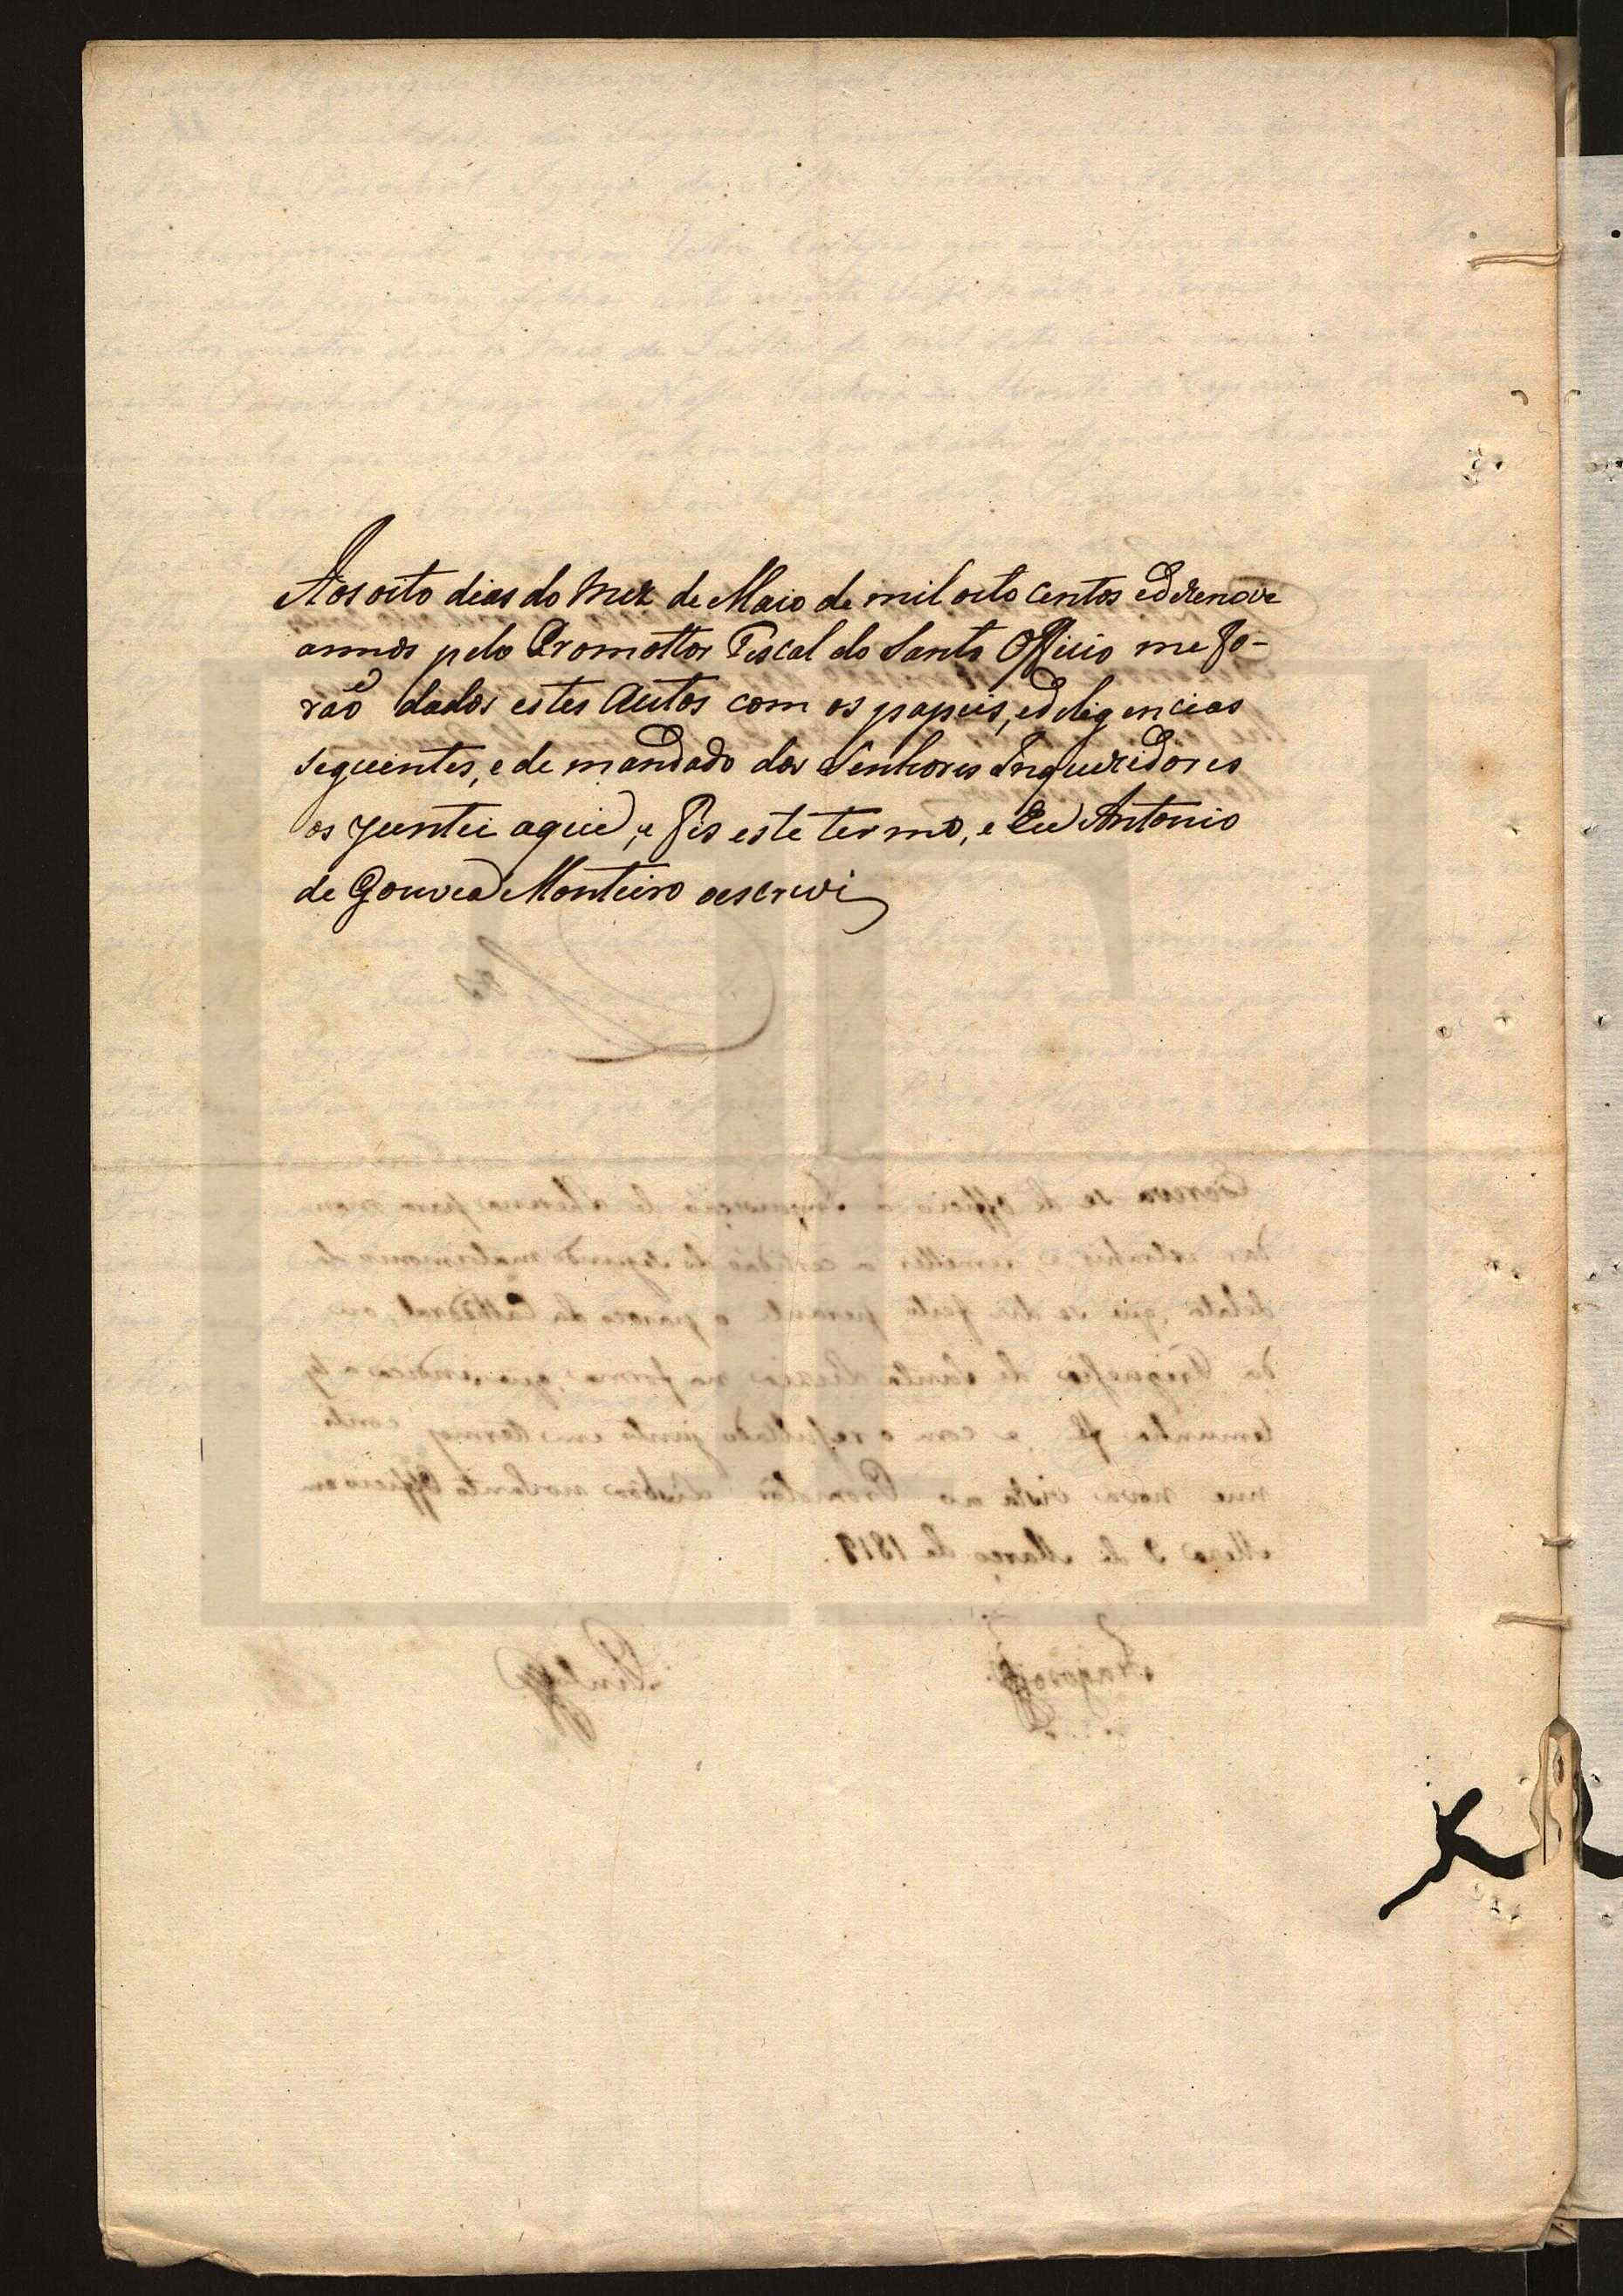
Aos oito dias do Mez de Maio de mil oitocentos e dezenove
annos pelo Promottor Fiscal do Santo Officio me fo
raõ dados estes autos com os papeis, e deligencias
seguintes, e de mandado dos Senhores Inquizidores
os juntei aqui, e fis este termo, e Eu Antonio
de Gouvea Monteiro o escrevi
